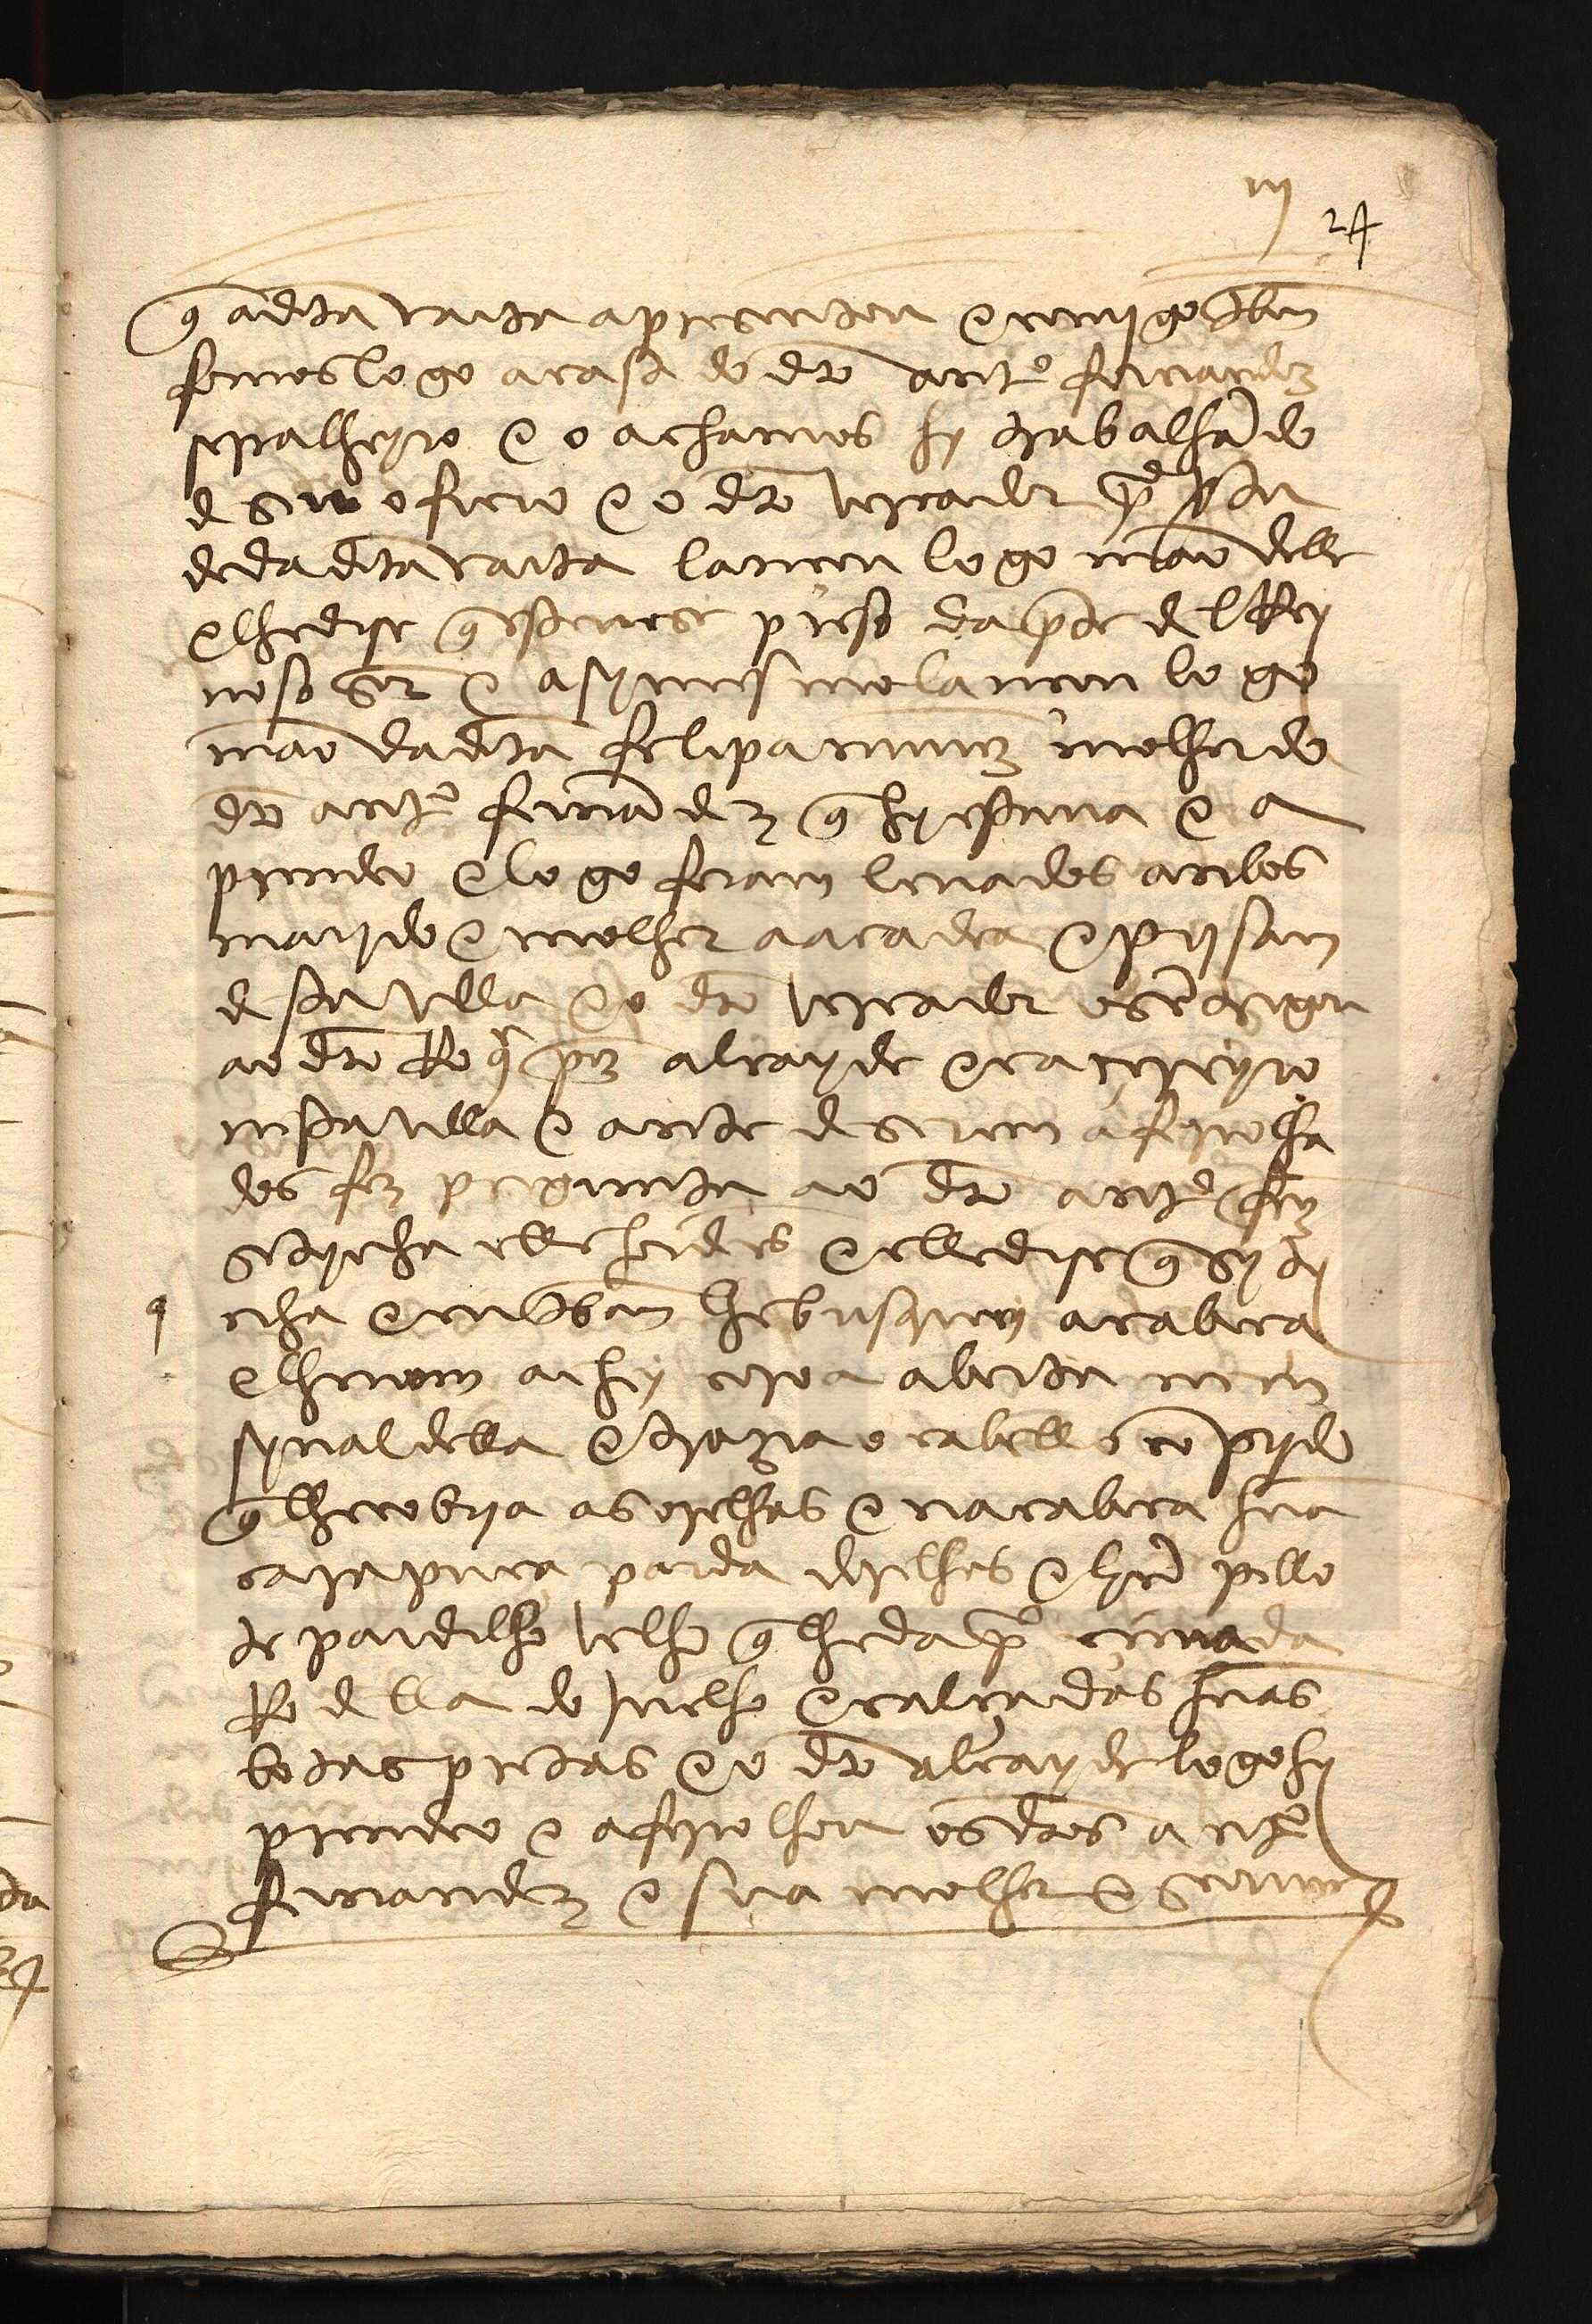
q̄ a dita carta apresentou e comjgo t̄bam
fomos logo a casa do d̄to anto fernandez
serralheyro e o achamos hy trabalhādo
de seu oficio e o d̄to vereador p̄o ꝟtu
de da dita carta lançou logo mão delle
e lhe dise q̄ esteuese preso da p̄te del Rey
noso s̄or e asy mesmo lançou logo
mão da dita felipa nunez molher do
d̄to anto fernādez q̄ hy estaua e a
prendeo e logo foram leuados anbos
marjdo e molher aa cadea e prjsam
desta villa e o d̄to vereador os ētregou
ao d̄to Roqe p̄iz alcayde e caçereyro
nesta villa e ante de serem aferrolha
dos fez pregunta ao d̄to anto f̄rz
se tynha elle hord̄ees e elle dise q̄ sy ty
nha e eu t̄bam lhe busquey a cabeça
e lhe nom achey coroa aberta nem
synal della e trazia o cabello c̄oprjdo
q̄ lhe cobrja as orelhas e na cabeca hūa
carapuça parda dorelhas e hū pello
te pardilho velho q̄ lhe da p̄o çima da
Rodella do Juelho e calçadas hūas
botas pretas e o d̄to alcayde logo hy
prendeo e aferrolhou os d̄tos anto
fernandez e sua molher e se ouue
